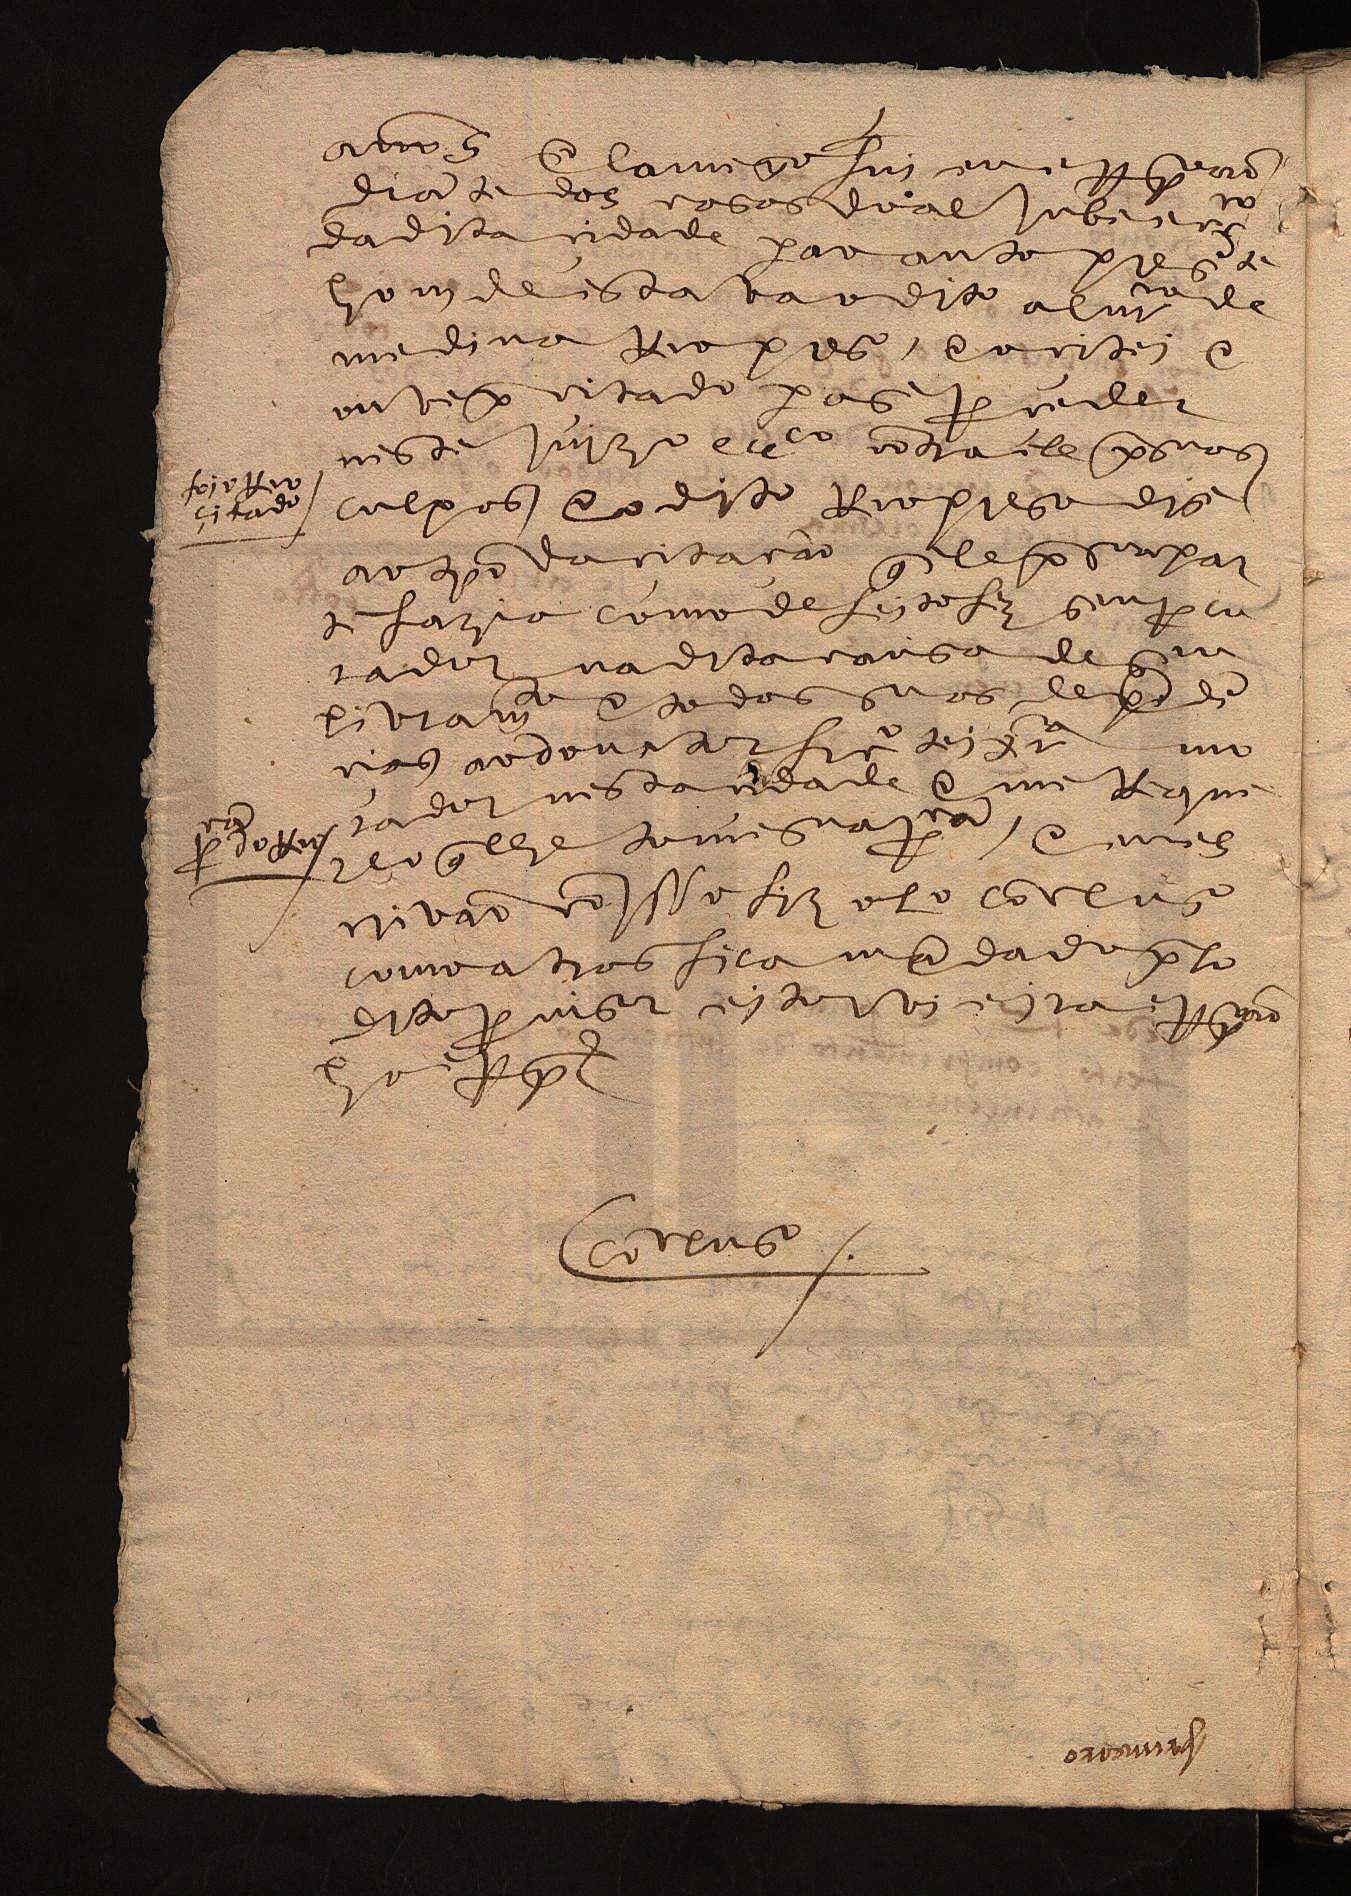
anōs ē lamego fui eu estp̄vaõ
diāte das casas do alJube eccco
da dita çidade ꝑa o auto presēte
homde estava o dito alurro de
medina Reo preso / e o çitej e
ouve p̄ çitado ꝑa se ꝓçeder
neste Jujzo eccco cōtra ele p̄ suas
foi o Reo
çitado
culpas e o djto Reo preso dise
ao tpō da çitação q̄ ele p̄ sua par
te fazia como de fejto fez seu ꝓcu
rador na dita causa de seu
livramto e todas suas depēdē
çias ao douctor frco teixrra mo
ꝓcā do Reo
rador nesta çidade e me Reque
reo q̄ lhe tome sua ꝓcā / e eu es
crivaõ cō Jsso fiz o Lo cōcluso
como atras fica mādado p̄lo
dito ꝓuisor ejtor vjejra estp̄vaõ
ho estp̄j
Cōcluso /.
